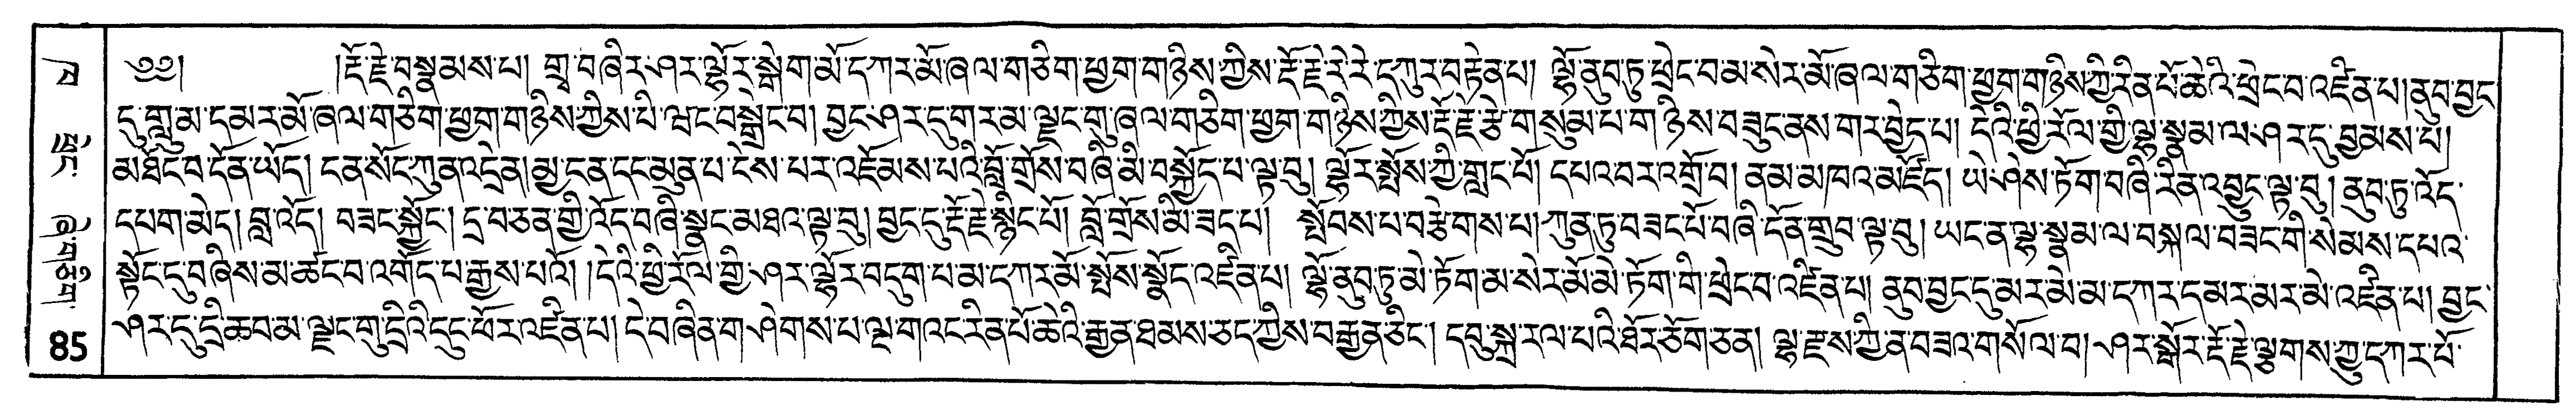༄༅། །རྡོ་རྗེ་བསྣམས་པ། གྲྭ་བཞིར་ཤར་ལྷོར་སྒེག་མོ་དཀར་མོ་ཞལ་གཅིག་ཕྱག་གཉིས་ཀྱིས་རྡོ་རྗེ་རེ་རེ་དཀུར་བརྟེན་པ། ལྷོ་ནུབ་ཏུ་ཕྲེང་བ་མ་སེར་མོ་ཞལ་གཅིག་ཕྱག་གཉིས་ཀྱི་རིན་པོ་ཆེའི་ཕྲེང་བ་འཛིན་པ། ནུབ་བྱང་
དུ་གླུ་མ་དམར་མོ་ཞལ་གཅིག་ཕྱག་གཉིས་ཀྱིས་པི་ཝང་བསྒྲེང་བ། བྱང་ཤར་དུ་གར་མ་ལྗང་གུ་ཞལ་གཅིག་ཕྱག་གཉིས་ཀྱིས་རྡོ་རྗེ་རྩེ་གསུམ་པ་གཉིས་བཟུང་ནས་གར་བྱེད་པ། དེའི་ཕྱི་རོལ་གྱི་ལྷ་སྣམ་ལ་ཤར་དུ་བྱམས་པ།
མཐོང་བ་དོན་ཡོད། ངན་སོང་ཀུན་འདྲེན། མྱ་ངན་དང་མུན་པ་ངེས་པར་འཇོམས་པའི་བློ་གྲོས་བཞི་མི་བསྐྱོད་པ་ལྟ་བུ། ལྷོར་སྤོས་ཀྱི་གླང་པོ། དཔའ་བར་འགྲོ་བ། ནམ་མཁའ་མཛོད། ཡེ་ཤེས་ཏོག་བཞི་རིན་འབྱུང་ལྟ་བུ། ནུབ་ཏུ་འོད་
དཔག་མེད། བླ་འོད། བཟང་སྐྱོང་། དྲ་བ་ཅན་གྱི་འོད་བཞི་སྣང་མཐའ་ལྟ་བུ། བྱང་དུ་རྡོ་རྗེ་སྙིང་པོ། བློ་གྲོས་མི་ཟད་པ། སྤོབས་པ་བརྩེགས་པ། ཀུན་ཏུ་བཟང་པོ་བཞི་དོན་གྲུབ་ལྟ་བུ། ཡང་ན་ལྷ་སྣམ་ལ་བསྐལ་བཟང་གི་སེམས་དཔའ་
སྟོང་དུ་བཞིས་མ་ཚང་བ་འགོད་པ་རྒྱས་པའོ། །དེའི་ཕྱི་རོལ་གྱི་ཤར་ལྷོར་བདུག་པ་མ་དཀར་མོ་སྤོས་སྣོད་འཛིན་པ། ལྷོ་ནུབ་ཏུ་མེ་ཏོག་མ་སེར་མོ་མེ་ཏོག་གི་ཕྲེང་བ་འཛིན་པ། ནུབ་བྱང་དུ་མར་མེ་མ་དཀར་དམར་མར་མེ་འཛིན་པ། བྱང་
ཤར་དུ་དྲི་ཆབ་མ་ལྗང་གུ་དྲིའི་དུང་ཕོར་འཛིན་པ། དེ་བཞིན་གཤེགས་པ་ལྔ་གའང་རིན་པོ་ཆེའི་རྒྱན་ཐམས་ཅད་ཀྱིས་བརྒྱན་ཅིང་། དབུ་སྐྲ་རལ་པའི་ཐོར་ཅོག་ཅན། ལྷ་རྫས་ཀྱི་ན་བཟའ་གསོལ་བ། ཤར་སྒོར་རྡོ་རྗེ་ལྕགས་ཀྱུ་དཀར་པོ་